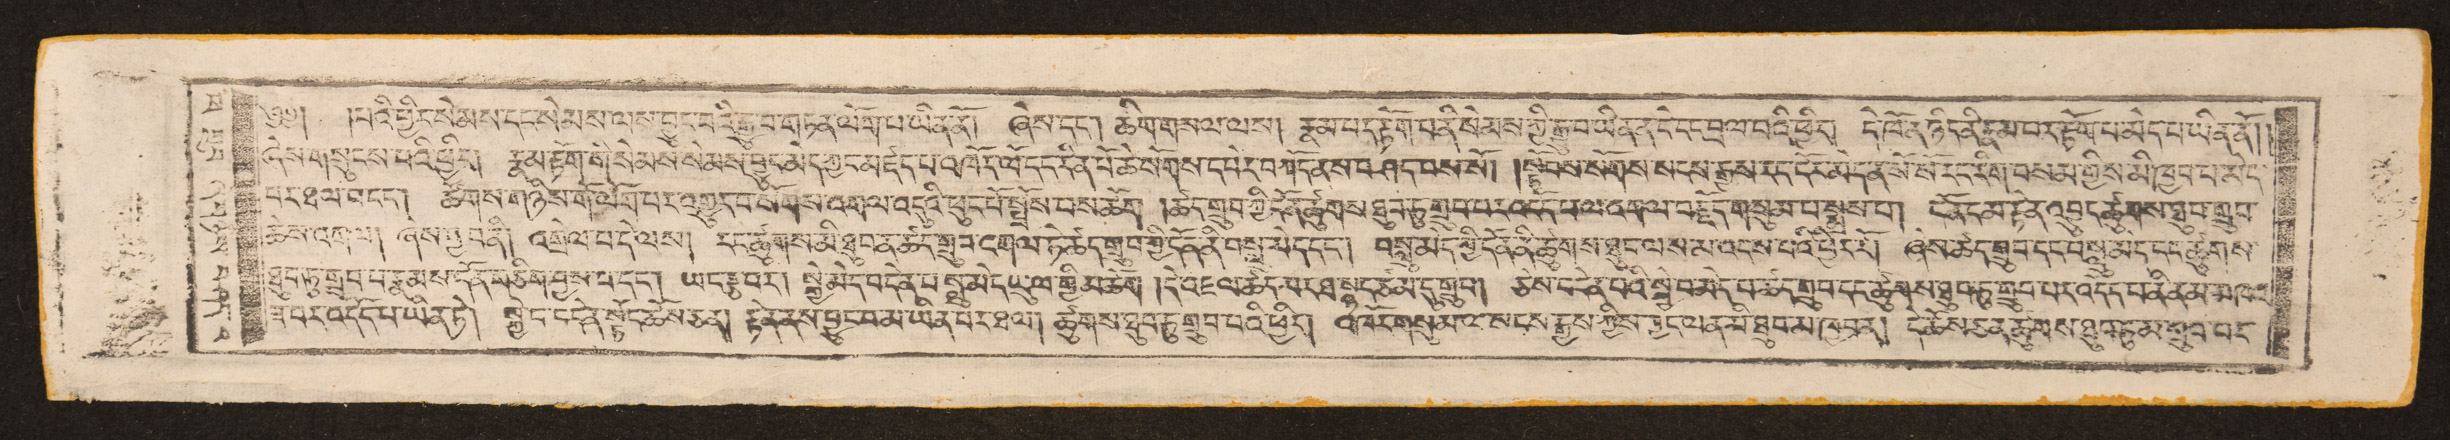༄༅། །པའི་ཕྱིར་སེམས་དང་སེམས་ལས་བྱུང་བའི་རྒྱུ་བ་གཏན་ལོག་པ་ཡིན་ནོ། ཞེས་དང་། ཚིག་གསལ་ལས། རྣམ་པར་རྟོག་པ་ནི་སེམས་ཀྱི་རྒྱུ་བ་ཡིན་ན་དེ་དང་བྲལ་བའི་ཕྱིར། དེ་ཁོ་ན་ཉིད་ནི་རྣམ་པར་རྟོག་པ་མེད་པ་ཡིན་ནོ།།
ཞེས་གསུངས་པའི་ཕྱིར། རྣམ་རྟོག་གི་སེམས་སེམས་བྱུང་མེད་ཀྱང་མཛད་པ་འཁོར་ལོ་དང་རིན་པོ་ཆེ་སོགས་དཔེར་བཀོད་ནས་བཤད་པས་སོ། །སྟོབས་སོགས་སངས་རྒྱས་རང་ངོར་མེད་ན་སོ་སོར་རང་རིག་བསམ་གྱིས་མི་ཁྱབ་པ་མེད་
བར་ཐལ་བ་དང་། ཚོགས་གཉིས་གོ་ལོག་བར་འགྱུར་བ་སོགས་འགལ་འདུའི་ཕུང་པོ་སྤྲོས་པས་ཆོག །ཚད་གྲུབ་ཀྱི་དོན་ཚུགས་ཐུབ་ཏུ་གྲུབ་པར་འདོད་པ་ལ་འགལ་བརྗོད་གསུམ་པ་སྨྲས་པ། དོན་དམ་རྟེན་འབྱུང་ཚུགས་ཐུབ་གྲུབ་
ཆེས་འགལ། ཞེས་བྱ་བ་ནི། འགྲེལ་པ་དེ་ལས། རང་ཚུགས་མི་ཐུབ་ན་ཚད་གྲུབ་འགལ་ཏེ་ཚད་གྲུབ་ཀྱི་དོན་ནི་བསླུ་མེད་དང་། བསླུ་མེད་ཀྱི་དོན་ནི་ཚུགས་ཐུབ་ལས་མ་འདས་པའི་ཕྱིར་རོ། ཞེས་ཚད་གྲུབ་དང་བསླུ་མེད་དང་ཚུགས་
ཐུད་ཏུ་གྲུབ་པ་རྣམས་དོན་གཅིག་བྱས་པ་དང་། ཡང་རྩ་བར། སྐྱེ་མེད་བདེན་པ་སླུ་མེད་ཡུལ་གྱི་མཆོག །དེ་འཇལ་ཚད་མར་ཐ་སྙད་ཙམ་དུ་གྲུབ། ཅེས་བདེན་པའི་སྐྱེ་བ་མེད་པ་ཚད་གྲུབ་དང་ཚུགས་ཐུབ་ཏུ་གྲུབ་པར་འདོད་པ་ནི་ནམ་མཁའ་
ཟ་བར་འདོད་པ་ཡིན་ཏེ། སྐྱེ་བ་བདེན་སྟོང་ཆོས་ཅན། རྟེན་ནས་བྱུང་བ་མ་ཡིན་པར་ཐལ། ཚུགས་ཐུབ་ཏུ་གྲུབ་པའི་ཕྱིར། འཁོར་གསུམ་ལ་སངས་རྒྱས་ཀྱིས་ཀྱང་ལན་མི་ཐུབ་མ་ཁྱབ་ན། དེ་ཆོས་ཅན་ཚུགས་ཐུབ་ཏུ་མ་གྲུབ་པར་